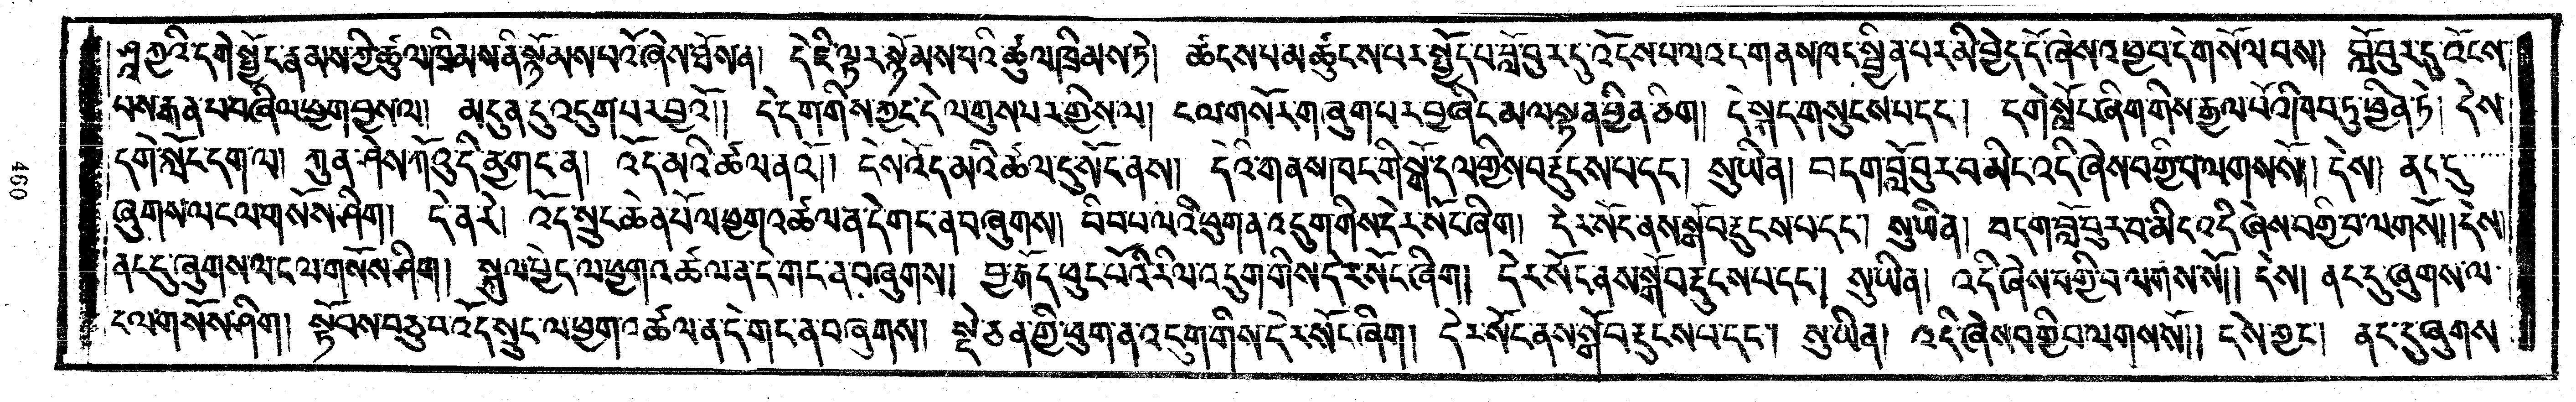ཤཱཀྱའི་དགེ་སྦྱོང་རྣམས་ཀྱི་ཚུལ་ཁྲིམས་ནི་སྙོམས་པའོ་ཞེས་ཐོས་ན། དེ་ཇི་ལྟར་སྙོམས་པའི་ཚུལ་ཁྲིམས་ཏེ། ཚངས་པ་མཚུངས་པར་སྤྱོད་པ་བློ་བུར་འོངས་པ་ལའང་གནས་ཁང་སྦྱིན་པར་མི་བྱེད་དོ་ཞེས་འཕྱ་བ་དེ་གསོལ་བས། བློ་བུར་དུ་འོངས་
པས་རྒན་པ་བཞི་ལ་ཕྱག་བྱས་ལ། མདུན་དུ་འདུག་པར་བྱའོ།། དེ་དག་གིས་ཀྱང་དེ་ལ་གུས་པར་གྱིས་ལ། ངལ་གསོར་གཞུག་པར་བྱ་ཞིང་མལ་སྟན་བྱིན་ཅིག། དེ་སྐད་གསུངས་པ་དང་། དགེ་སློང་ཞིག་གིས་རྒྱལ་པོའི་ཁབ་ཏུ་ཕྱིན་ཏེ། དེས་
དགེ་སློང་དག་ལ། ཀུན་ཤེས་ཀོའུ་དི་ནྱ་གང་ན། འོད་མའི་ཚལ་ནའོ།། ངེས་འོད་མའི་ཚལ་དུ་སོང་ནས། དེའི་གནས་ཁང་གི་སྒོ་དལ་གྱིས་བརྡུངས་པ་དང་། སུ་ཡིན། བདག་བློ་བུར་བ་མིང་འདི་ཞེས་བགྱི་བ་ལགས་སོ།། དེས། ནང་དུ་
ཞུགས་ལ་ངལ་གསོས་ཤིག། དེ་ན་རེ། འོད་སྲུང་ཆེན་པོ་ལ་ཕྱག་འཚལ་ན་དེ་གང་ན་བཞུགས། བིབ་པ་ལའི་ཕུག་ན་འདུག་གིས་དེར་སོང་ཞིག། དེར་སོང་ནས་སྒོ་བརྡུངས་པ་དང་། སུ་ཡིན། བདག་བློ་བུར་བ་མིང་འདི་ཞེས་བགྱི་བ་ལགས་སོ། །དེས་
ནང་དུ་ཞུགས་ལ་ངལ་གསོས་ཤིག། སྐུལ་བྱེད་ལ་ཕྱག་འཚལ་ན་དེ་གང་ན་བཞུགས། བྱ་རྒོད་ཕུང་པོའི་རིལ་འདུག་གིས་དེར་སོང་ཞིག། དེར་སོང་ནས་སྒོ་བརྡུངས་པ་དང་། སུ་ཡིན། འདི་ཞེས་བགྱི་བ་ལགས་སོ།། དེས། ནང་དུ་ཞུགས་ལ་
ངལ་གསོས་ཤིག། སྟོབས་བཅུ་འོད་སྲུང་ལ་ཕྱག་འཚལ་ན་དེ་གང་ན་བཞུགས། སྡེ་ཅན་གྱི་ཕུག་ན་འདུག་གིས་དེར་སོང་ཞིག །དེར་སོང་ནས་སྒོ་བརྡུངས་པ་དང་། སུ་ཡིན། འདི་ཞེས་བགྱི་བ་ལགས་སོ། །དེས་ཀྱང་། ནང་དུ་ཞུགས་